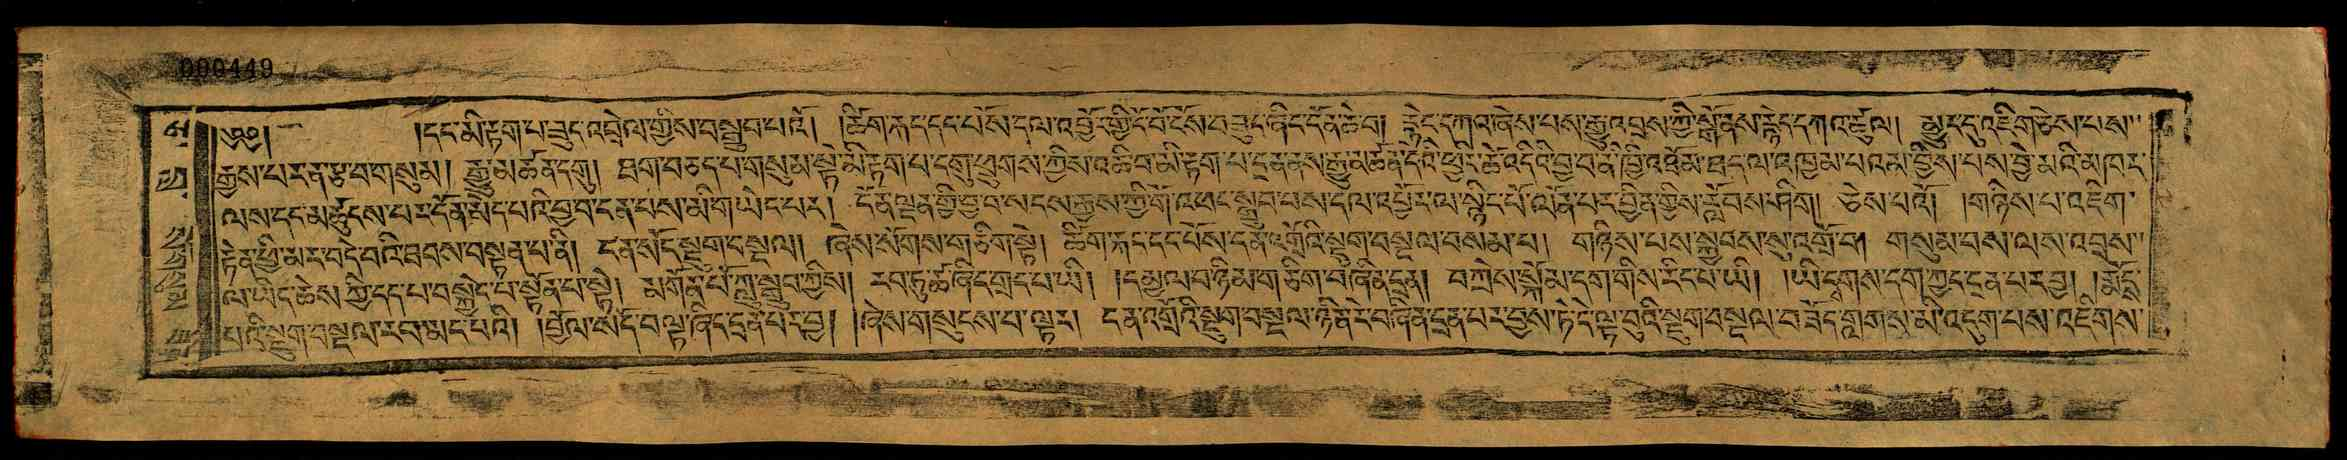༄༅། །དང་མི་རྟག་པ་ཟུང་འབྲེལ་གྱིས་བསྒྲུབ་པའོ། །ཚིག་རྐང་དང་པོས་དལ་འབྱོར་གྱི་ངོ་བོ་ངོས་བཟུང་ཞིང་དོན་ཆེ་བ། རྙེད་དཀའ་ཞེས་པས་རྒྱུ་འབྲས་ཀྱི་སྒོ་ནས་རྙེད་དཀའ་འཚུལ།མྱུར་དུ་འཇིག་ཅེས་པས་
རྒྱས་པར་ན་རྩ་བ་གསུམ། རྒྱུ་མཚན་དགུ། ཐག་བཅད་པ་གསུམ་སྟེ་མི་རྟག་པ་དགུ་ཕྲུགསྐྱིས་འཆི་བ་མི་རྟག་པ་དྲན་ནས་རྒྱུ་མཚན་དེའི་ཕྱིར་ཚེ་འདིའི་བྱ་བ་ནི་ཁྱི་འཐོམཐང་ལ་འཁྱམ་པའམ་བྱིས་པས་བྱེ་མའི་མཁར་
ལས་དང་མཚུངས་པར་དོན་མེད་པའི་བྱ་བ་ངན་པས་མི་གཡེང་པར། དོན་ལྡན་གྱི་བྱ་བ་སངས་རྒྱས་ཀྱི་གོ་འཕང་སྒྲུབ་པས་དལ་འབྱོར་ལ་སྙིང་པོ་ལོན་པར་བྱིན་གྱིས་རློབས་ཤིག །ཅེས་པའོ། །གཉིས་པ་འཇིག་
རྟེན་ཕྱི་མར་བདེ་བའི་ཐབས་བསྟན་པ་ནི། ངན་སོང་སྡུག་བསྔལ། ཞེས་སོགས་གཅིག་སྟེ། ཚིག་རྐང་དང་པོས་ངན་འགྲོའི་སྡུག་བསྔལ་བསམ་པ། གཉིས་པས་སྐྱབས་སུ་འགྲོ་བ། གསུམ་པས་ལས་འབྲས་
ལ་ཡིད་ཆེས་ཀྱི་དད་པ་བསྐྱེད་པ་སྟོན་པ་སྟེ། མགོན་པོ་ཀླུ་སྒྲུབ་ཀྱིས། རབ་ཏུ་ཚ་ཞིང་གྲང་བ་ཡི། །དམྱལ་བ་ཉི་མ་གཅིག་བཞིན་དྲན། བཀྲེས་སྐོམ་དག་གིས་རིང་པ་ཡི། །ཡི་དྭགས་དག་ཀྱང་དྲན་པར་བྱ། །རྨོགས
པའི་སྡུག་བསྔལ་རབ་མང་བའི། །བྱོལ་སོང་བལྟ་ཞིང་དྲན་པར་བྱ། །ཞེས་གསུངས་པ་ལྟར། ངན་འགྲོའི་སྡུག་བསྔལ་ཉིན་རེ་བཞིན་དྲན་པར་བྱས་ཏེ་དེ་ལྟ་བུའི་སྡུག་བསྔལ་བཟོད་གླགས་མི་འདུག་པས་འཇིགས་